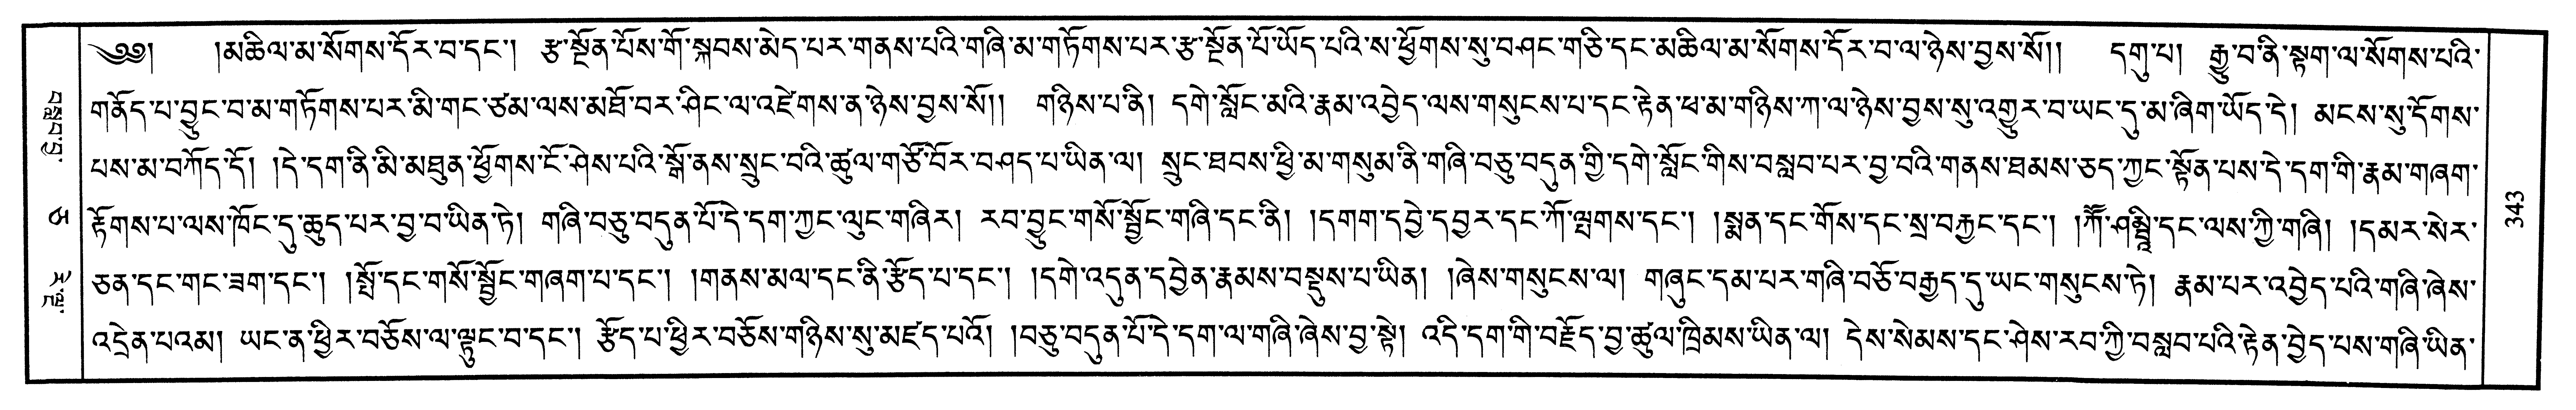༄༅། །མཆིལ་མ་སོགས་དོར་བ་དང་། རྩ་སྔོན་པོས་གོ་སྐབས་མེད་པར་གནས་པའི་གཞི་མ་གཏོགས་པར་རྩ་སྔོན་པོ་ཡོད་པའི་ས་ཕྱོགས་སུ་བཤང་གཅི་དང་མཆིལ་མ་སོགས་དོར་བ་ལ་ཉེས་བྱས་སོ།། དགུ་པ། རྒྱུ་བ་ནི་སྟག་ལ་སོགས་པའི་
གནོད་པ་བྱུང་བ་མ་གཏོགས་པར་མི་གང་ཙམ་ལས་མཐོ་བར་ཤིང་ལ་འཛེགས་ན་ཉེས་བྱས་སོ།། གཉིས་པ་ནི། དགེ་སློང་མའི་རྣམ་འབྱེད་ལས་གསུངས་པ་དང་རྟེན་ཕ་མ་གཉིས་ཀ་ལ་ཉེས་བྱས་སུ་འགྱུར་བ་ཡང་དུ་མ་ཞིག་ཡོད་དེ། མངས་སུ་དོགས་
པས་མ་བཀོད་དོ། །དེ་དག་ནི་མི་མཐུན་ཕྱོགས་ངོ་ཤེས་པའི་སྒོ་ནས་སྲུང་བའི་ཚུལ་གཙོ་བོར་བཤད་པ་ཡིན་ལ། སྲུང་ཐབས་ཕྱི་མ་གསུམ་ནི་གཞི་བཅུ་བདུན་གྱི་དགེ་སློང་གིས་བསླབ་པར་བྱ་བའི་གནས་ཐམས་ཅད་ཀྱང་སྟོན་པས་དེ་དག་གི་རྣམ་གཞག་
རྟོགས་པ་ལས་ཁོང་དུ་ཆུད་པར་བྱ་བ་ཡིན་ཏེ། གཞི་བཅུ་བདུན་པོ་དེ་དག་ཀྱང་ལུང་གཞིར། རབ་བྱུང་གསོ་སྦྱོང་གཞི་དང་ནི། །དགག་དབྱེ་དབྱར་དང་ཀོ་ལྤགས་དང་། །སྨན་དང་གོས་དང་སྲ་བརྐྱང་དང་། །ཀཽ་ཤམྦཱི་དང་ལས་ཀྱི་གཞི། །དམར་སེར་
ཅན་དང་གང་ཟག་དང་། །སྤོ་དང་གསོ་སྦྱོང་གཞག་པ་དང་། །གནས་མལ་དང་ནི་རྩོད་པ་དང་། །དགེ་འདུན་དབྱེན་རྣམས་བསྡུས་པ་ཡིན། །ཞེས་གསུངས་ལ། གཞུང་དམ་པར་གཞི་བཅོ་བརྒྱད་དུ་ཡང་གསུངས་ཏེ། རྣམ་པར་འབྱེད་པའི་གཞི་ཞེས་
འདྲེན་པའམ། ཡང་ན་ཕྱིར་བཅོས་ལ་ལྟུང་བ་དང་། རྩོད་པ་ཕྱིར་བཅོས་གཉིས་སུ་མཛད་པའོ། །བཅུ་བདུན་པོ་དེ་དག་ལ་གཞི་ཞེས་བྱ་སྟེ། འདི་དག་གི་བརྗོད་བྱ་ཚུལ་ཁྲིམས་ཡིན་ལ། དེས་སེམས་དང་ཤེས་རབ་ཀྱི་བསླབ་པའི་རྟེན་བྱེད་པས་གཞི་ཡིན་